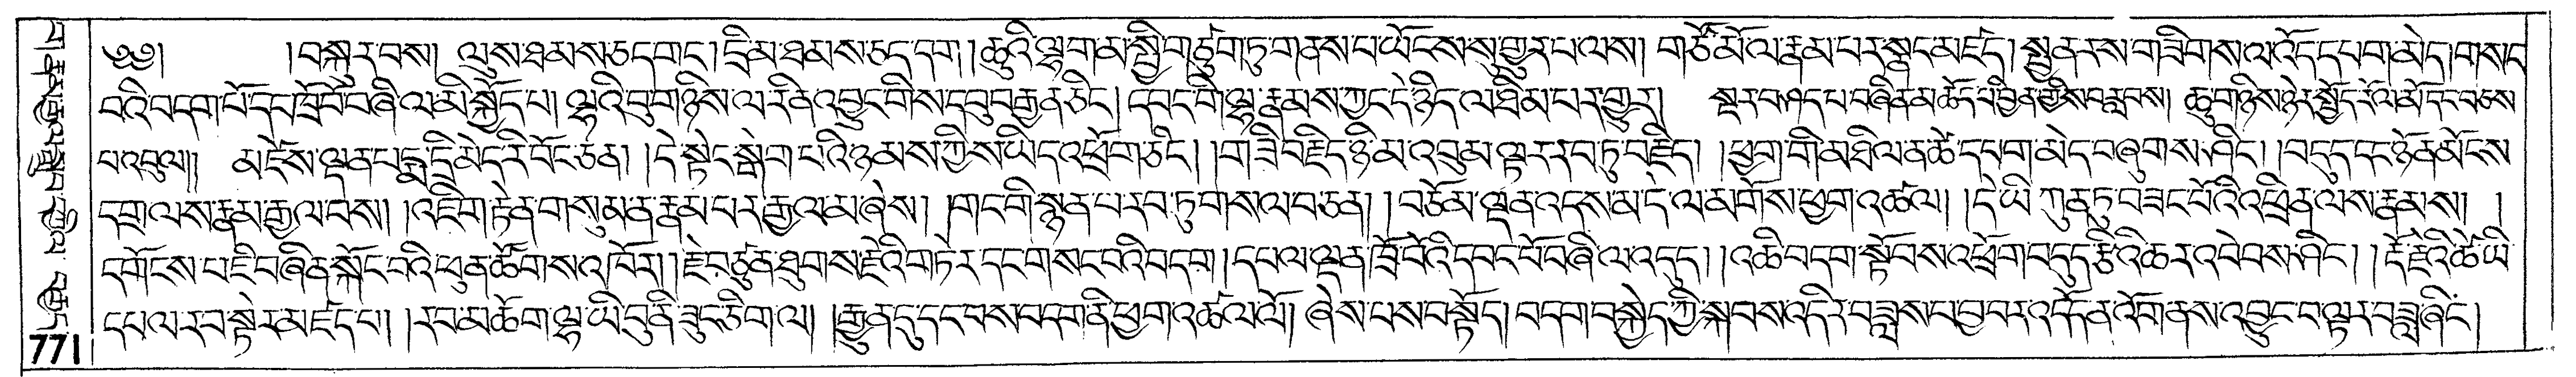༄༅། །བསྐུར་བས། ལུས་ཐམས་ཅད་གང་། དྲི་མ་ཐམས་ཅད་དག །ཆུའི་ལྷག་མ་སྤྱི་གཙུག་ཏུ་གནས་པ་ཡོངས་སུ་གྱུར་པ་ལས། གཙོ་མོ་ལ་རྣམ་པར་སྣང་མཛད། སྤྱན་རས་གཟིགས་ལ་འོད་དཔག་མེད། གསང་
བའི་བདག་པོ་དང་ཁྲོ་བོ་བཞི་ལ་མི་སྐྱོད་པ། ལྷའི་བུ་གཉིས་ལ་རིན་འབྱུང་གིས་དབུ་བརྒྱན་ཅིང་། དབང་གི་ལྷ་རྣམས་ཀྱང་དེ་ཉིད་ལ་ཐིམ་པར་གྱུར། སྔར་བཤད་པ་བཞིན་མཆོད་པ་བྱིན་གྱིས་བརླབས། ཆུ་གཉིས་ཉེར་སྤྱོད་རོལ་མོ་དང་བཅས་
པ་འབུལ།། མཛེས་ལྡན་པདམ་དྲི་མེད་རི་བོང་ཅན། །དེ་སྟེང་སྒེག་པའི་ཉམས་ཀྱིས་ཡིད་འཕྲོག་ཅིང་། །གཟི་བརྗིད་ཉི་མ་འབུམ་ལྟར་རབ་ཏུ་བརྗིད། །ཕྱག་གི་མཐིལ་ན་ཚེ་དཔག་མེད་བཞུགས་ཤིང་། །བདུད་དང་ཉོན་མོངས་
དགྲ་ལས་རྣམ་རྒྱལ་བས། །འཇིག་རྟེན་གསུམ་ན་རྣམ་པར་རྒྱལ་མ་ཞེས། །གང་གི་སྙན་པ་རབ་ཏུ་གསལ་བ་ཅན། །བཅོམ་ལྡན་འདས་མ་དེ་ལ་མགོས་ཕྱག་འཚལ། །དེ་ཡི་ཀུན་ཏུ་བཟང་པོའི་འཕྲིན་ལས་རྣམས། །
དགོངས་པ་ཇི་བཞིན་སྐོང་བའི་ཕུན་ཚོགས་འཁོར། །རྗེ་བཙུན་ཐུགས་རྗེའི་གཏེར་དང་གསང་བའི་བདག །དཔལ་ལྡན་ཁྲོ་བོའི་དབང་པོ་བཞི་ལ་འདུད། །འཆི་བདག་སྟོབས་འཕྲོག་བདུད་རྩིའི་ཆར་འབེབས་ཤིང་། །རྡོ་རྗེའི་ཚེ་ཡི་
དཔལ་རབ་སྟེར་མཛད་པ། །རབ་མཆོག་ལྷ་ཡི་བུ་ནི་ཟུང་ཅིག་ལ། །རྒྱུན་དུ་དང་བས་བདག་ནི་ཕྱག་འཚལ་ལོ། ཞེས་པས་བསྟོད། བདག་བསྐྱེད་ཀྱི་སྐབས་འདིར་བཟླས་པ་བྱ་བར་འདོད་ན་འོག་ནས་འབྱུང་བ་ལྟར་བཟླ་ཞིང་།